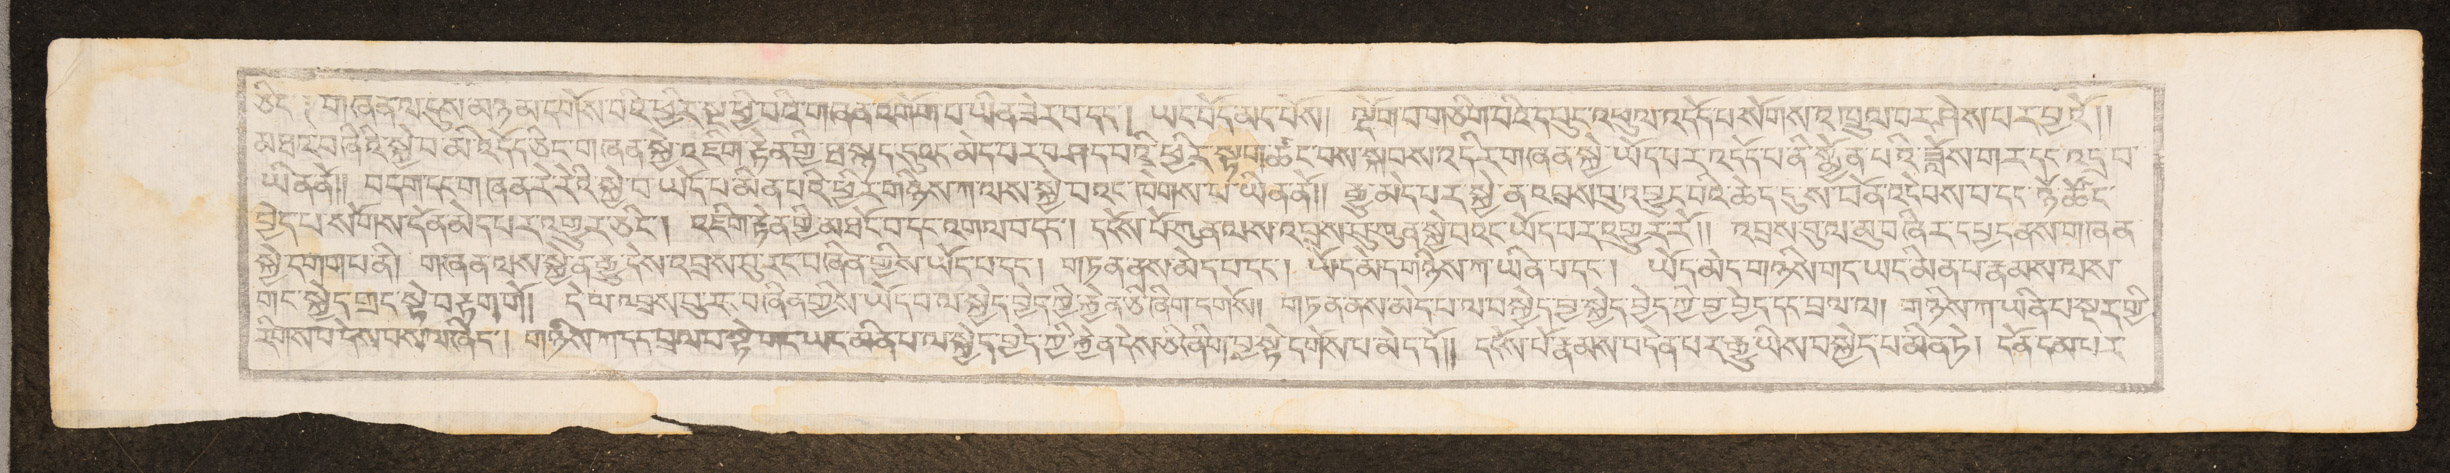ཅིང་། གཞན་ལ་དུས་མཉམ་དགོས་པའི་ཕྱིར་སྔ་ཕྱི་བའི་གཞན་འགོག་པ་ཡིན་ཟེར་བ་དང་། ཡང་བོད་མང་པོས། ལྡོག་པ་གཅིག་པའི་དཔུང་འཕུལ་འདོད་པ་སོགས་འཁྲུལ་བར་ཤེས་པར་བྱའོ།
མཐའ་བཞིའི་སྐྱེ་བ་མི་འདོད་ཅིང་གཞན་སྐྱེ་འཇིག་རྟེན་གྱི་ཐ་སྙད་དུའང་མེད་པར་བཤད་པའི་ཕྱིར་སྟག་ཚང་བས་སྐབས་འདིར་གཞན་སྐྱེ་ཡོད་པར་འདོད་པ་ནི་སྨྱོན་པའི་ཟློས་གར་དང་འདྲ་བ་
ཡིན་ནོ། །བདག་དང་གཞན་རེ་རེའི་སྐྱེ་བ་ཡོད་པ་མིན་པའི་ཕྱིར་གཉིས་ཀ་ལས་སྐྱེ་བའང་ཁེགས་པ་ཡིན་ནོ། །རྒྱུ་མེད་པར་སྐྱེ་ན་འབྲས་བུ་འབྱུང་བའི་ཆེད་དུ་ས་བོན་འདེབས་པ་དང་ཉོ་ཚོང་
བྱེད་པ་སོགས་དོན་མེད་པར་འགྱུར་ཅིང་། འཇིག་རྟེན་གྱི་མཐོང་བ་དང་འགལ་བ་དང་། དངོས་པོ་ཀུན་ལས་འབྲས་བུ་ཀུན་སྐྱེ་བའང་ཡོད་པར་འགྱུར་རོ། །འབྲས་བུ་ལ་མུ་བཞིར་དཔྱད་ནས་གཞན་
སྐྱེ་དགག་པ་ནི། གཞན་ལས་སྐྱེ་ན་རྒྱུ་དེས་འབྲས་བུ་རང་བཞིན་གྱིས་ཡོད་པ་དང་། གཏན་ནས་མེད་པ་དང་། ཡོད་མེད་གཉིས་ཀ་མིན་པ་ལ་སྐྱེད་བྱེད་ཀྱི་རྐྱེན་དེས་ཅི་ཞིག་བྱ་སྟེ་དགོས་པ་མེད་
གང་སྐྱེད་གྲང་སྟེ་བརྟག་གོ། །དེ་ལ་འབྲས་བུ་རང་བཞིན་གྱིས་ཡོད་པ་ལ་སྐྱེད་བྱེད་ཀྱི་རྐྱེན་ཅི་ཞིག་དགོས། གཏན་ནས་མེད་པ་ལ་བསྐྱེད་བྱ་སྐྱེད་བྱེད་ཀྱི་བྱ་བྱེད་དང་བྲལ་ལ། གཉིས་ཀ་ཡིན་པ་སྔར་གྱི་
རིགས་པ་དེས་བསལ་ཞིང་། གཉིས་ཀ་དང་བྲལ་བ་སྟེ་གང་ཡང་མིན་པ་ལ་སྐྱེད་བྱེད་ཀྱི་རྐྱེན་དེས་ཅི་ཞིག་བྱ་སྟེ་དགོས་པ་མེད་དོ། །དངོས་པོ་རྣམས་བདེན་པར་རྒྱུ་ཡིས་བསྐྱེད་པ་མིན་ཏེ། དོན་དམ་པར་